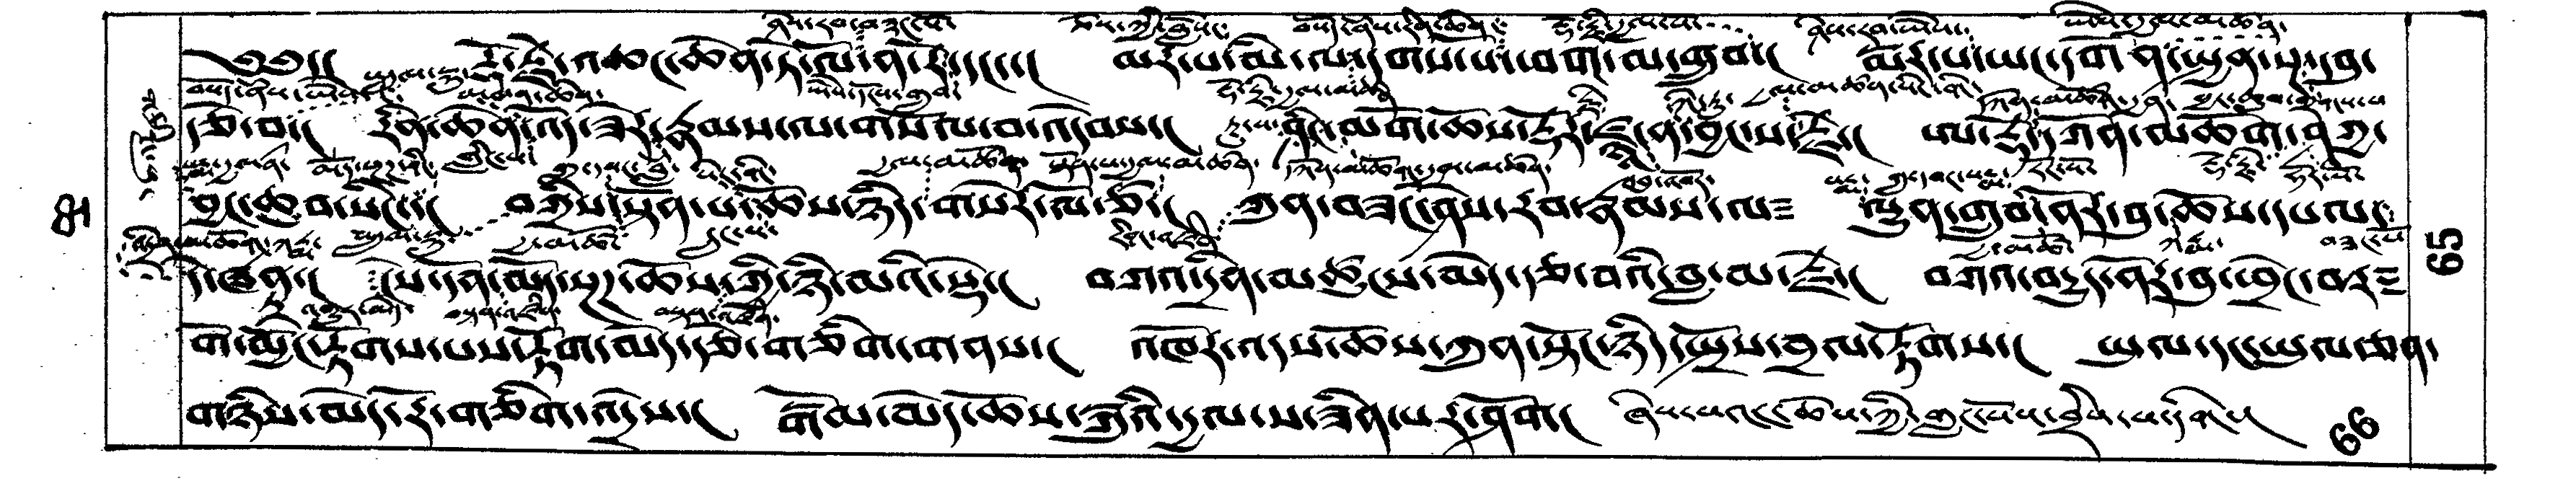༄༅། རྡོ་རྗེ་འཆང་ཆེན་ཏེ་ལོ་ན་རོ་དང་། །མར་པ་མི་ལ་དྭགས་པོ་ཕག་མོ་གྲུ། །སྨར་པ་ཡང་དགོན་སྤྱན་སྔ་དབུ་
སེ་བ། །རིན་ཆེན་འོད་ཟེར་རྣམས་ལ་གསོལ་བ་འདེབས། །ཤིང་མགོ་ཆོས་རྡོར་ཛྙཱ་ན་བྱང་ས་རྗེ། །ཨ་རྡོ་དཀོན་མཆོག་ཤཱཀྱ་
བྱང་ཆུབ་སེང་། །བཀྲ་ཤིས་སྟོན་པ་ཆོས་ཉིད་གསེར་ལོ་ཙ། །ཀུན་བཟང་ཤེས་རབ་རྣམས་ལ༴ ལྷུན་གྲུབ་ནོར་བུ་ཆོས་དཔལ་
དེ་ཝནྟྲ། །ངེས་དོན་མདོ་སྔགས་ཆོས་ཀྱི་ཉི་མའི་སྡེ། །བཀའ་དྲིན་མཚུངས་མེད་རྩ་བའི་བླ་མ་རྗེ། །བཀའ་བརྒྱུད་ནོར་བུའི་ཕྲེང་བར༴ 
གོ་མྱོང་རྟོགས་པས་རྟོག་མེད་རྩེ་གཅིག་གནས། །འཁོར་འདས་ཆོས་ཀུན་སྟོང་ཉིད་སྤྲོས་བྲལ་རྟོགས། །ཡུལ་དང་ཡུལ་ཅན་
གཉིས་མེད་རོ་གཅིག་འདྲེས། །སྒོམ་མེད་ཆོས་སྐུའི་རྒྱལ་ས་ཟིན་པར་ཤོག ཞེས་པའང་ཆོས་ཀྱི་གླང་པོས་བྲིས་པ་དགེ།།